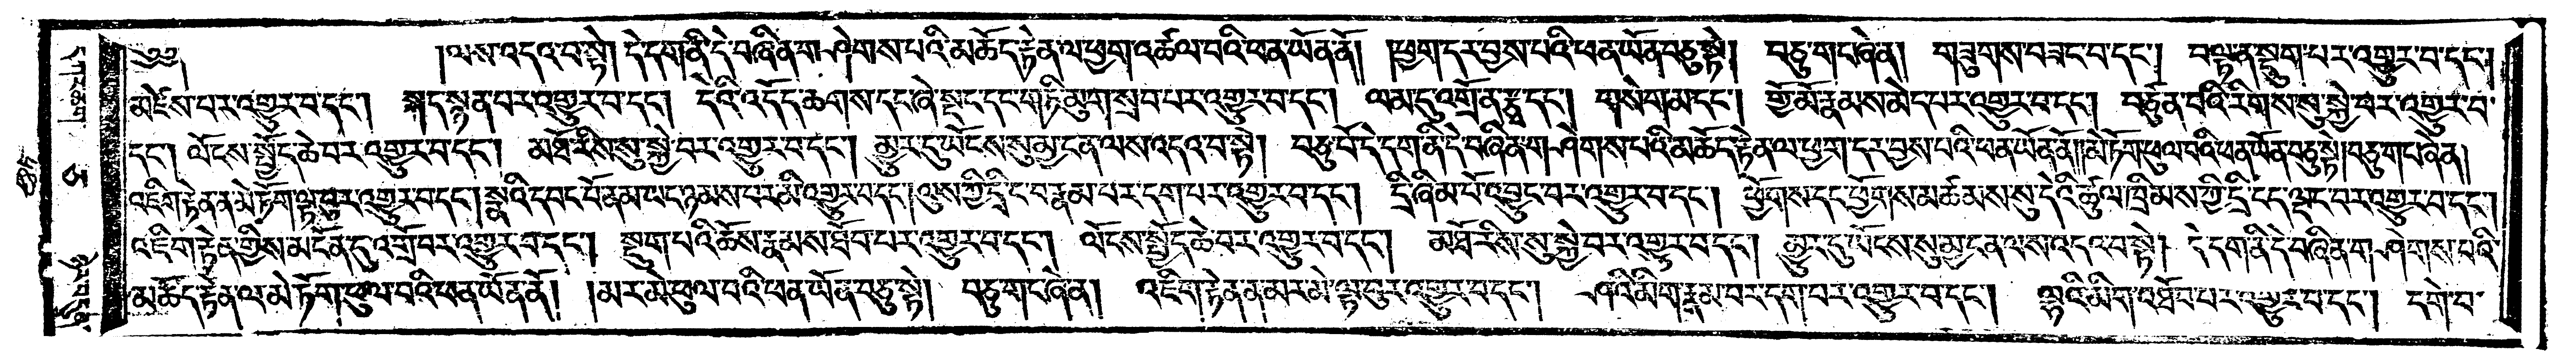༄༅། །ལས་འདའ་བ་སྟེ། དེ་དག་ནི་དེ་བཞིན་གཤེགས་པའི་མཆོད་རྟེན་ལ་ཕྱག་འཚལ་བའི་ཕན་ཡོན་ནོ། །ཕྱག་དར་བྱས་པའི་ཕན་ཡོན་བཅུ་སྟེ། བཅུ་གང་ཞེ་ན། གཟུགས་བཟང་བ་དང་། བལྟ་ན་སྡུག་པར་འགྱུར་བ་དང་
མཛེས་པར་འགྱུར་བ་དང་། སྐད་སྙན་པར་འགྱུར་བ་དང་། དེའི་འདོད་ཆགས་དང་ཞེ་སྡང་དང་གཏི་མུག་སྲབ་པར་འགྱུར་བ་དང་། ལམ་དུ་འགྲོ་ན་རྩྭ་དང་། གསེག་མ་དང་། གྱོ་མོ་རྣམས་མེད་པར་འགྱུར་བ་དང་། བཙུན་པའི་རིགས་སུ་སྐྱེ་བར་འགྱུར་བ་
དང་། ལོངས་སྤྱོད་ཆེ་བར་འགྱུར་བ་དང་། མཐོ་རིས་སུ་སྐྱེ་བར་འགྱུར་བ་དང་། མྱུར་དུ་ཡོངས་སུ་མྱང་ངན་ལས་འདའ་བ་སྟེ། བཅུ་པོ་དེ་དག་ནི་དེ་བཞིན་གཤེགས་པའི་མཆོད་རྟེན་ལ་ཕྱག་དར་བྱས་པའི་ཕན་ཡོན་ནོ། །མེ་ཏོག་ཕུལ་བའི་ཕན་ཡོན་བཅུ་སྟེ། བཅུ་གང་ཞེ་ན།
འཇིག་རྟེན་མེ་ཏོག་ལྟ་བུར་འགྱུར་བ་དང་། སྣའི་དབང་པོ་ནམ་ཡང་ཉམས་པར་མི་འགྱུར་བ་དང་། ལུས་ཀྱི་དྲིང་བ་རྣམ་པར་དག་པར་འགྱུར་བ་དང་། དྲི་ཞིམ་པོ་འབྱུང་བར་འགྱུར་བ་དང་། ཕྱོགས་དང་ཕྱོགས་མཚམས་སུ་དེའི་ཚུལ་ཁྲིམས་ཀྱི་དྲི་ངད་ལྡང་བར་འགྱུར་བ་དང་།
འཇིག་རྟེན་གྱིས་མངོན་དུ་འགྲོ་བར་འགྱུར་བ་དང་། སྡུག་པའི་ཆོས་རྣམས་ཐོབ་པར་འགྱུར་བ་དང་། ལོངས་སྤྱོད་ཆེ་བར་འགྱུར་བ་དང་། མཐོ་རིས་སུ་སྐྱེ་བར་འགྱུར་བ་དང་། མྱུར་དུ་ཡོངས་སུ་མྱ་ངན་ལས་འདའ་བ་སྟེ། དེ་དག་ནི་དེ་བཞིན་གཤེགས་པའི་
མཆོད་རྟེན་ལ་མེ་ཏོག་ཕུལ་བའི་ཕན་ཡོན་ནོ། །མར་མེ་ཕུལ་བའི་ཕན་ཡོན་བཅུ་སྟེ། བཅུ་གང་ཞེ་ན། འཇིག་རྟེན་ན་མར་མེ་ལྟ་བུར་འགྱུར་བ་དང་། ཤའི་མིག་རྣམ་པར་དག་པར་འགྱུར་བ་དང་། ལྷའི་མིག་འཐོབ་པར་འགྱུར་བ་དང་། དགེ་བ་